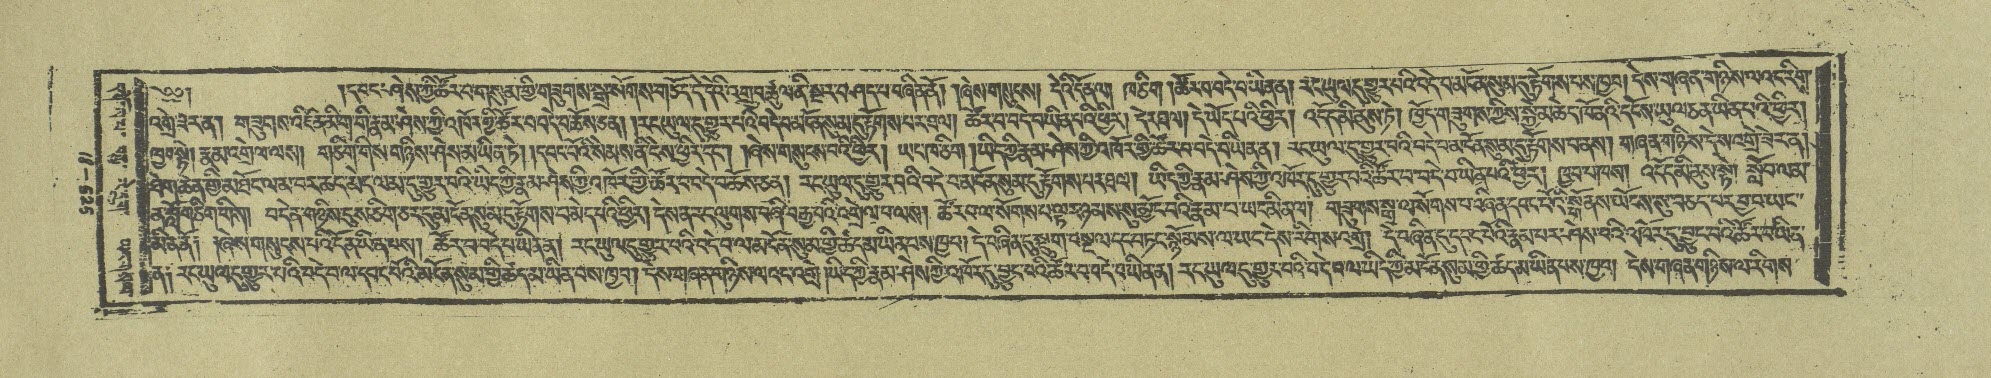༄༅། །དབང་ཤེས་ཀྱི་ཚོར་བ་གསུམ་གྱི་གཟུགས་སྒྲ་སོགས་གཅོད་དེ་དེའི་འགྲུབ་ཚུལ་ནི་སྔར་བཤད་པ་བཞིན་ནོ། །ཞེས་གསུངས། དེའི་དོན་ལ། ཁ་ཅིག །ཚོར་བ་བདེ་བ་ཡིན་ན། རང་ཡུལ་དུ་གྱུར་པའི་བདེ་བ་མངོན་སུམ་དུ་རྟོགས་པས་ཁྱབ། དེས་གཞན་གཉིས་ལའང་རིགས་
འགྲེ་ཟེར་ན། གཟུགས་འཛིན་མིག་གི་རྣམ་ཤེས་ཀྱི་འཁོར་གྱི་ཚོར་བ་བདེ་བ་ཆོས་ཅན། །རང་ཡུལ་དུ་གྱུར་པའི་བདེ་བ་མངོན་སུམ་དུ་རྟོགས་པར་ཐལ། ཚོར་བ་བདེ་བ་ཡིན་པའི་ཕྱིར། དེར་ཐལ། དེ་ཡོད་པའི་ཕྱིར། འདོད་མི་ནུས་ཏེ། ཁྱོད་གཟུགས་ཀྱིས་སྐྱེ་མཆེད་ཁོ་ནའི་དངོས་ཡུལ་ཅན་ཡིན་པའི་ཕྱིར།
ཁྱབ་སྟེ། རྣམ་འགྲེལ་ལས། གཅིག་གིས་གཉིས་ཤེས་མ་ཡིན་ཏེ། །དབང་པོའི་སེམས་ནི་ངེས་ཕྱིར་དང་། །ཞེས་གསུངས་པའི་ཕྱིར། ཡང་ཁ་ཅིག །ཡིད་ཀྱི་རྣམ་ཤེས་ཀྱི་འཁོར་གྱི་ཚོར་བ་བདེ་བ་ཡིན་ན། རང་ཡུལ་དུ་གྱུར་པའི་བདེ་བ་མངོན་སུམ་དུ་རྟོགས་པ་ནས། གཞན་གཉིས་དེས་འགྲེ་ཟེར་ན།
ཐེག་ཆེན་གྱི་མཐོང་ལམ་བར་ཆད་མེད་ལམ་དུ་གྱུར་པའི་ཡིད་ཀྱི་རྣམ་ཤེས་ཀྱི་འཁོར་གྱི་ཚོར་བ་བདེ་བ་ཆོས་ཅན། རང་ཡུལ་དུ་གྱུར་པའི་བདེ་བ་མངོན་སུམ་དུ་རྟོགས་པར་ཐལ། ཡིད་ཀྱི་རྣམ་ཤེས་ཀྱི་འཁོར་དུ་གྱུར་བའི་ཚོར་བ་བདེ་བ་ཡིན་པའི་ཕྱིར། ཁྱབ་པ་ཁས། འདོད་མི་ནུས་སྟེ། སློབ་ལམ་
ན་བློ་གཅིག་གིས། བདེན་གཉིས་དུས་ཅིག་ཅར་དུ་མངོན་སུམ་དུ་རྟོགས་པ་མེད་པའི་ཕྱིར། དེས་ན་རང་ལུགས་བཞི་བརྒྱ་བའི་འགྲེལ་བ་ལས། ཚོར་བ་ལ་སོགས་པ་ལྟར་ཉམས་སུ་མྱོང་བའི་རྣམ་པ་ཡང་མིན་ལ། གཟུགས་སྒྲ་ལ་སོགས་པ་བཞིན་དབང་པོའི་སྒོ་ནས་ཡོངས་སུ་བཅད་པར་བྱ་བ་ཡང་
མིན་ནོ། །ཞེས་གསུངས་པའི་དོན་ཡིན་པས། ཚོར་བ་བདེ་བ་ཡིན་ན། རང་ཡུལ་དུ་གྱུར་པའི་བདེ་བ་ལ་མངོན་སུམ་གྱི་ཚད་མ་ཡིན་པས་ཁྱབ། དེ་བཞིན་དུ་སྡུག་བསྔལ་དང་བཏང་སྙོམས་ལ་ཡང་དེས་རིགས་འགྲ་།དེ་བཞིན་དུ་དབང་པོའི་རྣམ་པར་ཤེས་པའི་འཁོར་དུ་བྱུང་བའི་ཚོར་བ་ཡིན་
ན། རང་ཡུལ་དུ་གྱུར་པའི་བདེ་བ་ལ་དབང་པོའི་མངོན་སུམ་གྱི་ཚད་མ་ཡིན་པས་ཁྱབ། དེས་གཞན་གཉིས་ལའང་འགྲེ་།ཡིད་ཀྱི་རྣམ་ཤེས་ཀྱི་འཁོར་དུ་བྱུང་བའི་ཚོར་བ་བདེ་བ་ཡིན་ན། རང་ཡུལ་དུ་གྱུར་བའི་བདེ་བ་ལ་ཡིད་ཀྱི་མངོན་སུམ་གྱི་ཚད་མ་ཡིན་པས་ཁྱབ། དེས་གཞན་གཉིས་ལ་རིགས་